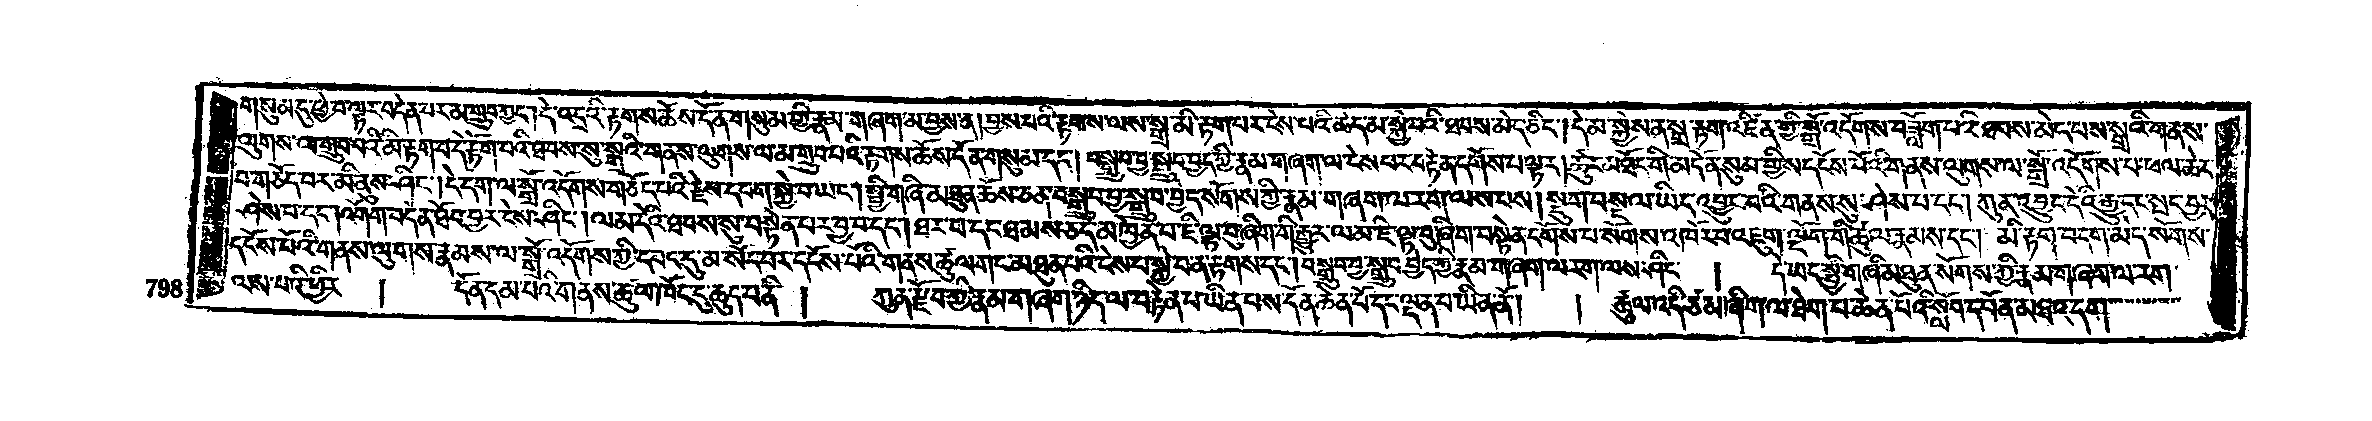གསུམ་དུ་ཕྱེ་བ་ལྟར་བདེན་པར་མ་གྲུབ་ཀྱང་། དེ་འདྲའི་རྟགས་ཆོས་དོན་གསུམ་གྱི་རྣམ་གཞག་མ་བྱས་ན། བྱས་པའི་རྟགས་ལས་སྒྲ་མི་རྟག་པར་ངེས་པའི་ཚད་མ་སྐྱེ་བའི་ཐབས་མེད་ཅིང་། དེ་མ་སྐྱེས་ན་སྒྲ་རྟག་འཛིན་གྱི་སྒྲོ་འདོགས་བཟློག་པའི་ཐབས་མེད་པས་སྒྲའི་གནས་
ལུགས་ལ་གྲུབ་པའི་མི་རྟག་པ་དེ་རྟོག་པའི་ཐབས་སུ་སྒྲའི་གནས་ལུགས་ལ་མ་གྲུབ་པའི་རྟགས་ཆོས་དོན་གསུམ་དང་། བསྒྲུབ་བྱ་སྒྲུབ་བྱེད་ཀྱི་རྣམ་གཞག་ལ་ངེས་པར་བརྟེན་དགོས་པ་ལྟར། ཚུར་མཐོང་གི་མངོན་སུམ་གྱིས་དངོས་པོའི་གནས་ལུགས་ལ་སྒྲོ་འདོགས་པ་ཕལ་ཆེར་
བ་གཅོད་པར་མི་ནུས་ཤིང་། དེ་དག་ལ་སྒྲོ་འདོགས་གཅོད་པའི་རྗེས་དཔག་སྐྱེ་བ་ཡང་། སྤྱི་གཞི་མཐུན་ཆོས་ཅན་བསྒྲུབ་བྱ་སྒྲུབ་བྱེད་སོགས་ཀྱི་རྣམ་གཞག་ལ་རག་ལས་པས། སྡུག་བསྔལ་ཡིད་འབྱུང་བའི་གནས་སུ་ཤེས་པ་དང་། ཀུན་འབྱུང་དེའི་རྒྱུ་དང་སྤང་བྱར་
ཤེས་པ་དང་། འགོག་བདེན་ཐོབ་བྱར་ངེས་ཤིང་། ལམ་དེའི་ཐབས་སུ་བསྟེན་པར་བྱ་བ་དང་། ཐར་བ་དང་ཐམས་ཅད་མཁྱེན་པ་ཇི་ལྟ་བུ་ཞིག་གི་རྒྱུར་ལམ་ཇི་ལྟ་བུ་ཞིག་བསྟེན་དགོས་པ་སོགས་འཁོར་བ་འཇུག་ལྡོག་གི་ཚུལ་རྣམས་དང་། མི་རྟག་བདག་མེད་སོགས་
དངོས་པོའི་གནས་ལུགས་རྣམས་ལ་སྒྲོ་འདོགས་ཀྱི་དབང་དུ་མ་སོང་བར་དངོས་པོའི་གནས་ཚུལ་གང་མཐུན་པའི་ངེས་པ་སྐྱེ་བ་ན་རྟགས་དང་། བསྒྲུབ་བྱ་སྒྲུབ་བྱེད་ཀྱི་རྣམ་གཞག་ལ་རག་ལས་ཤིང་། དེ་ཡང་སྤྱི་གཞི་མཐུན་སོགས་ཀྱི་རྣམ་གཞག་ལ་རག་
ལས་པའི་ཕྱིར། དོན་དམ་པའི་གནས་ཚུལ་ཁོང་དུ་ཆུད་པ་ནི། ཀུན་རྫོབ་ཀྱི་རྣམ་གཞག་ཉིད་ལ་བརྟེན་པ་ཡིན་པས་དོན་ཆེན་པོ་དང་ལྡན་པ་ཡིན་ནོ། །ཚུལ་འདི་ཙམ་ཞིག་ལ་ཐེག་པ་ཆེན་པོའི་སློབ་དཔོན་མཐའ་དག་